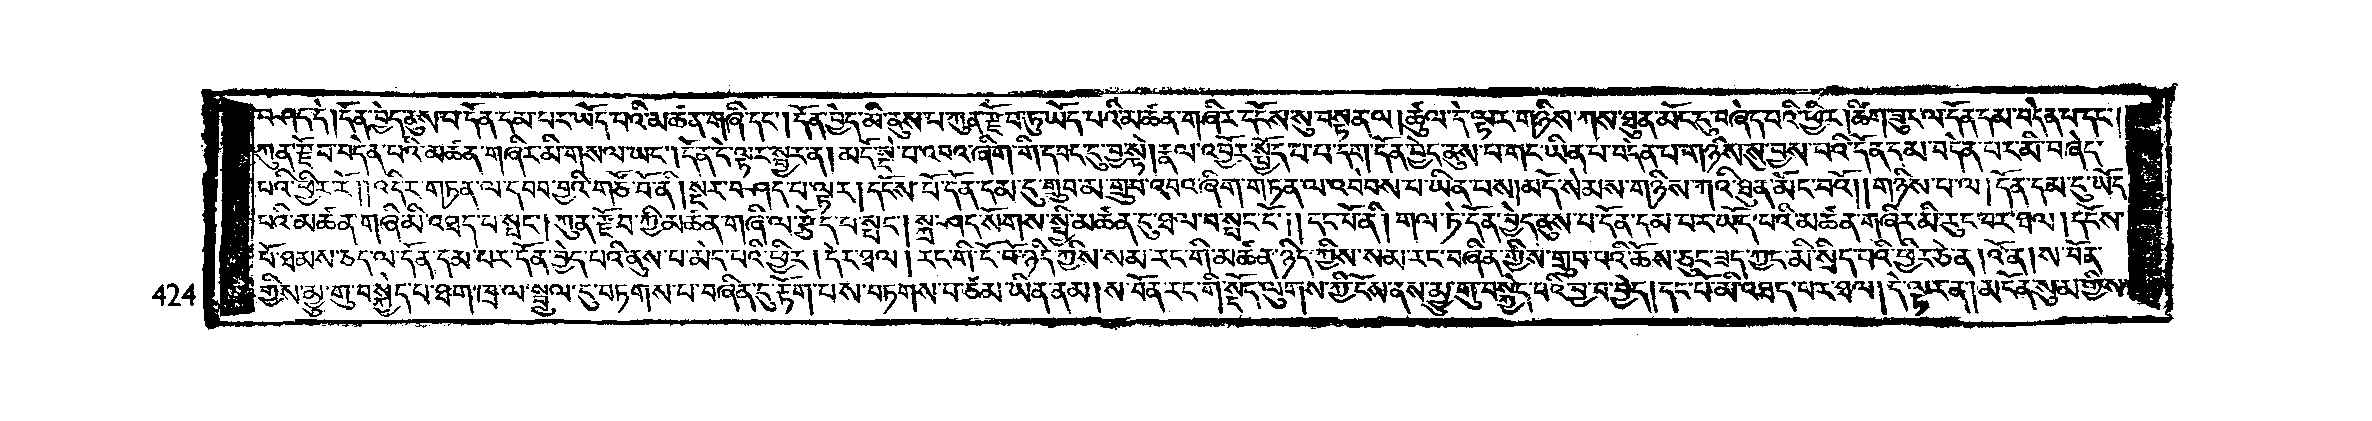བཤད་དེ། དོན་བྱེད་ནུས་པ་དོན་དམ་པར་ཡོད་པའི་མཚན་གཞི་དང་། དོན་བྱེད་མི་ནུས་པ་ཀུན་རྫོབ་ཏུ་ཡོད་པའི་མཚན་གཞིར་དངོས་སུ་བསྟན་ལ། ཚུལ་དེ་ལྟར་གཉིས་ཀས་ཐུན་མོང་དུ་བཞེད་པའི་ཕྱིར། ཚིག་ཟུར་ལ་དོན་དམ་བདེན་པ་དང་།
ཀུན་རྫོབ་བདེན་པའི་མཚན་གཞིར་མི་གསལ་ཡང་། དོན་དེ་ལྟར་སྦྱར་ན། མདོ་སྡེ་པ་འབའ་ཞིག་གི་དབང་དུ་བྱ་སྟེ། རྣལ་འབྱོར་སྤྱོད་པ་པ་དག་དོན་བྱེད་ནུས་པ་གང་ཡིན་པ་བདེན་པ་གཉིས་སུ་བྱས་པའི་དོན་དམ་བདེན་པར་མི་བཞེད་
པའི་ཕྱིར་རོ། །འདིར་གཏན་ལ་དབབ་བྱའི་གཙོ་བོ་ནི། སྔར་བཤད་པ་ལྟར། དངོས་པོ་དོན་དམ་དུ་གྲུབ་མ་གྲུབ་འབའ་ཞིག་གཏན་ལ་འབེབས་པ་ཡིན་པས། མདོ་སེམས་གཉིས་ཀའི་ཐུན་མོང་བའོ། །གཉིས་པ་ལ། དོན་དམ་དུ་ཡོད་
པའི་མཚན་གཞི་མི་འཐད་པ་སྤང་། ཀུན་རྫོབ་ཀྱི་མཚན་གཞི་ལ་རྩོད་པ་སྤང་། སྐྲ་ཤད་སོགས་སྤྱི་མཚན་དུ་ཐལ་བ་སྤང་ངོ། །དང་པོ་ནི། གལ་ཏེ་དོན་བྱེད་ནུས་པ་དོན་དམ་པར་ཡོད་པའི་མཚན་གཞིར་མི་རུང་བར་ཐལ། དངོས་
པོ་ཐམས་ཅད་ལ་དོན་དམ་པར་དོན་བྱེད་པའི་ནུས་པ་མེད་པའི་ཕྱིར། དོར་ཐལ། རང་གི་ངོ་བོ་ཉིད་ཀྱིས་སམ་རང་གི་མཚན་ཉིད་ཀྱིས་སམ་རང་བཞིན་གྱིས་གྲུབ་པའི་ཆོས་ཅུང་ཟད་ཀྱང་མི་སྲིད་པའི་ཕྱིར་ཅེ་ན། འོ་ན། ས་བོན་
གྱིས་མྱུ་གུ་བསྐྱེད་པ་ཐག་ཁྲ་ལ་སྦྲུལ་དུ་བཏགས་པ་བཞིན་དུ་རྟོག་པས་བཏགས་བཅོམ་?་ཡིན་ནམ། ས་བོན་རང་གི་སྡོད་ལུགས་ཀྱི་ངོས་ནས་མྱུ་གུ་བསྐྱེད་པའི་བྱ་བ་བྱེད། དང་པོ་མི་འཐད་པར་ཐལ། དེ་ལྟར་ན། མངོན་སུམ་གྱིས་